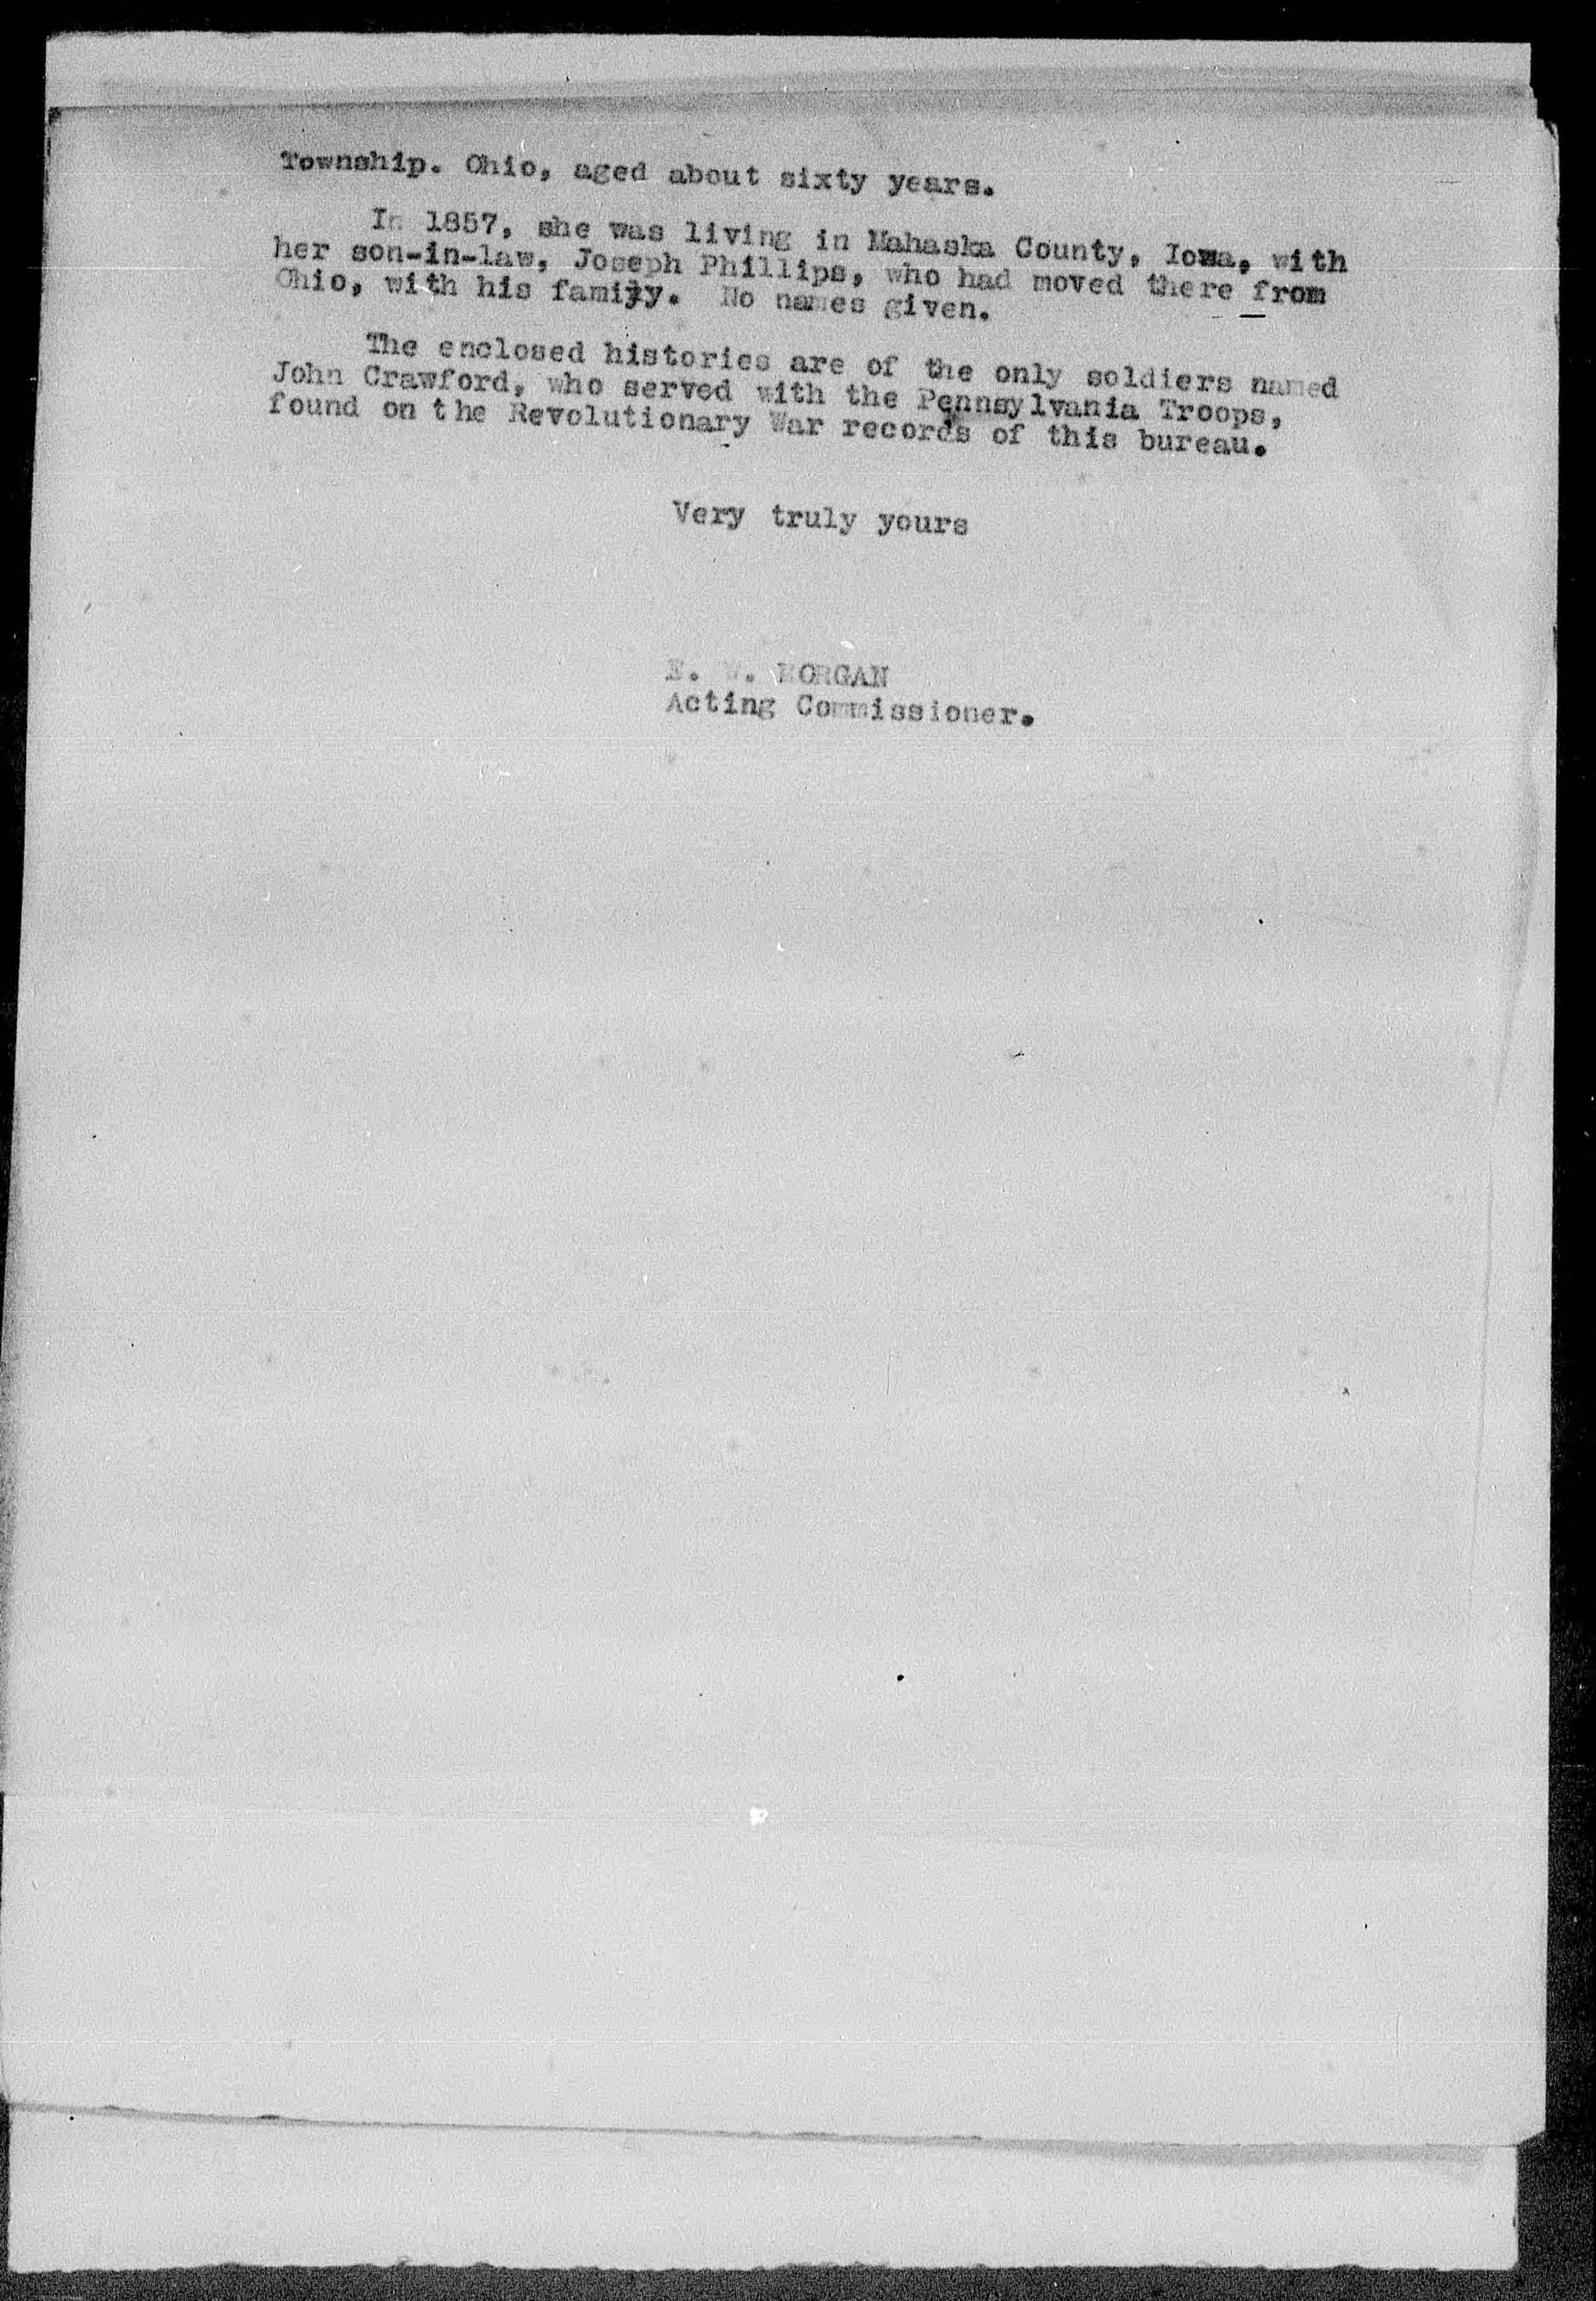Township. Ohio, aged about sixty years.
In 1857, she was living in Mahaska County, Iowa, with her son-in-law, Joseph Phillips, who had moved there from Ohio, with his family. No names given.
The enclosed histories are of the only soldiers named John Crawford, who served with the Pennsylvania Troops, found on the Revolutionary War records of this bureau.
Very truly yours
E.W. MORGAN
Acting Commissioner.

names: Joseph Phillips, John Crawford, E W Morgan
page: 77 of 80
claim: widow's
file: W 2070, John Crawford, Penn.